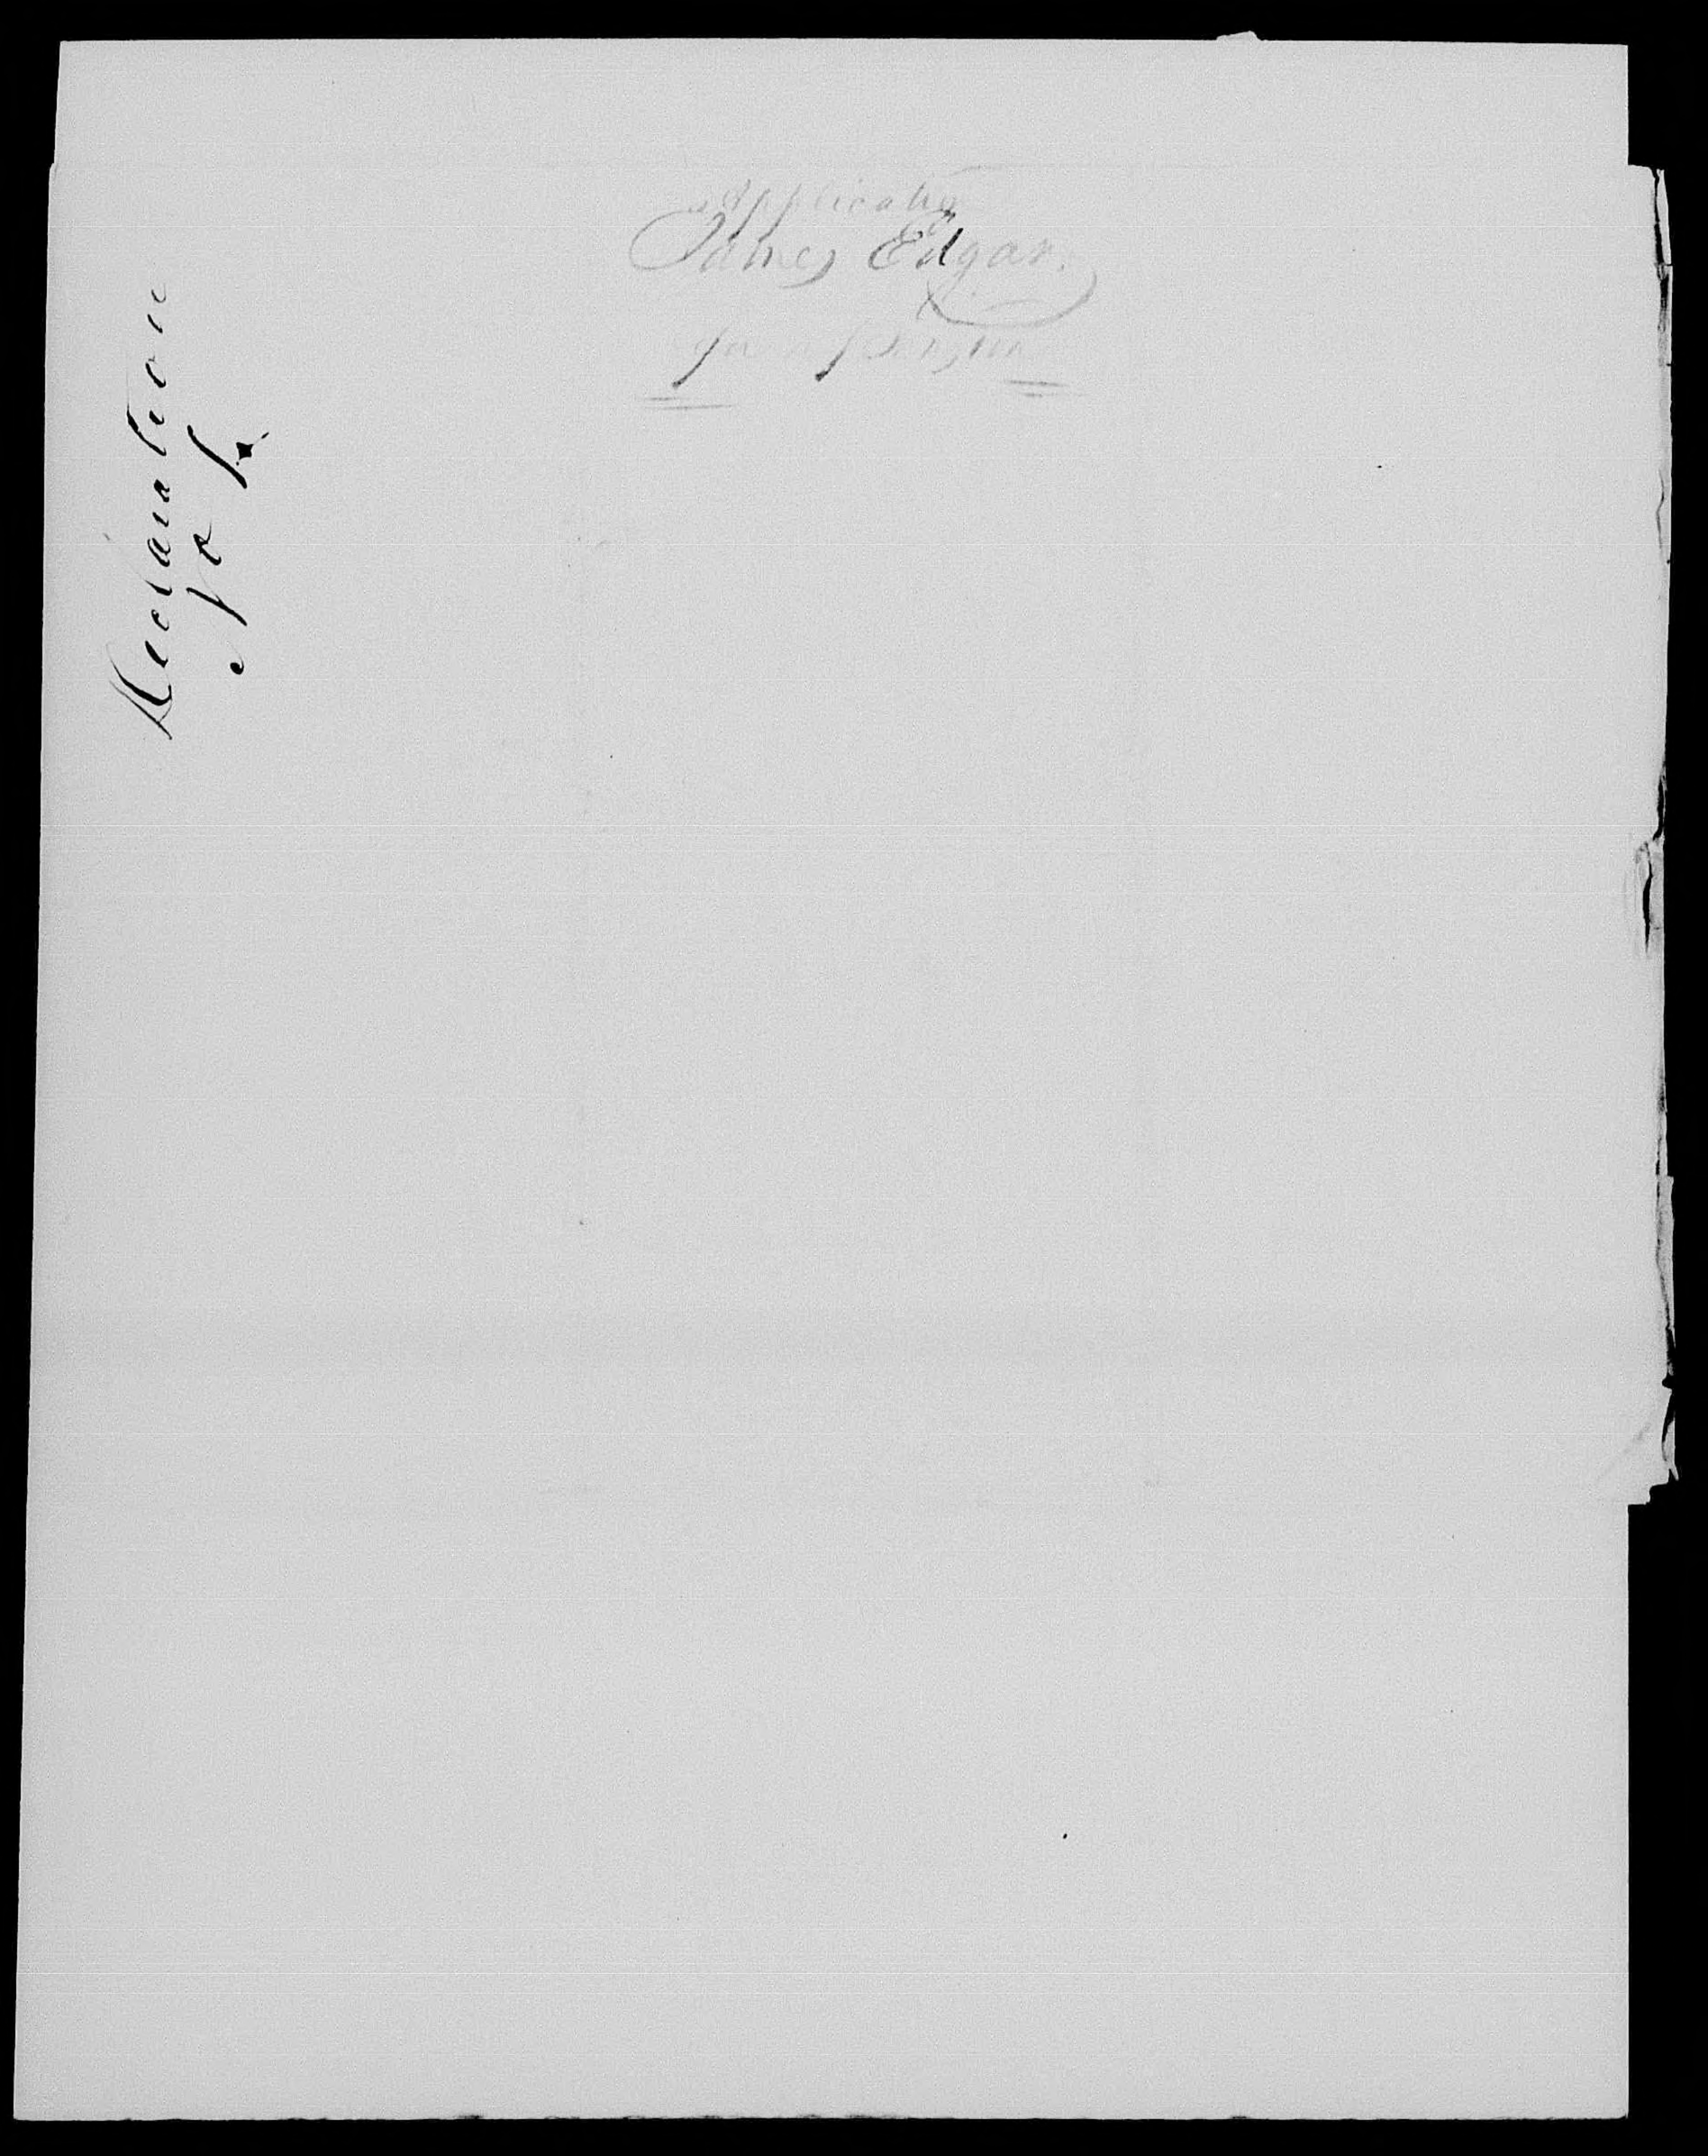Declaration
No. [illeg.]

Applicant
James Edgar

[illeg.]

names: James Edgar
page: 5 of 74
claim: widow's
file: W. 9422, James Edgar, Penn.